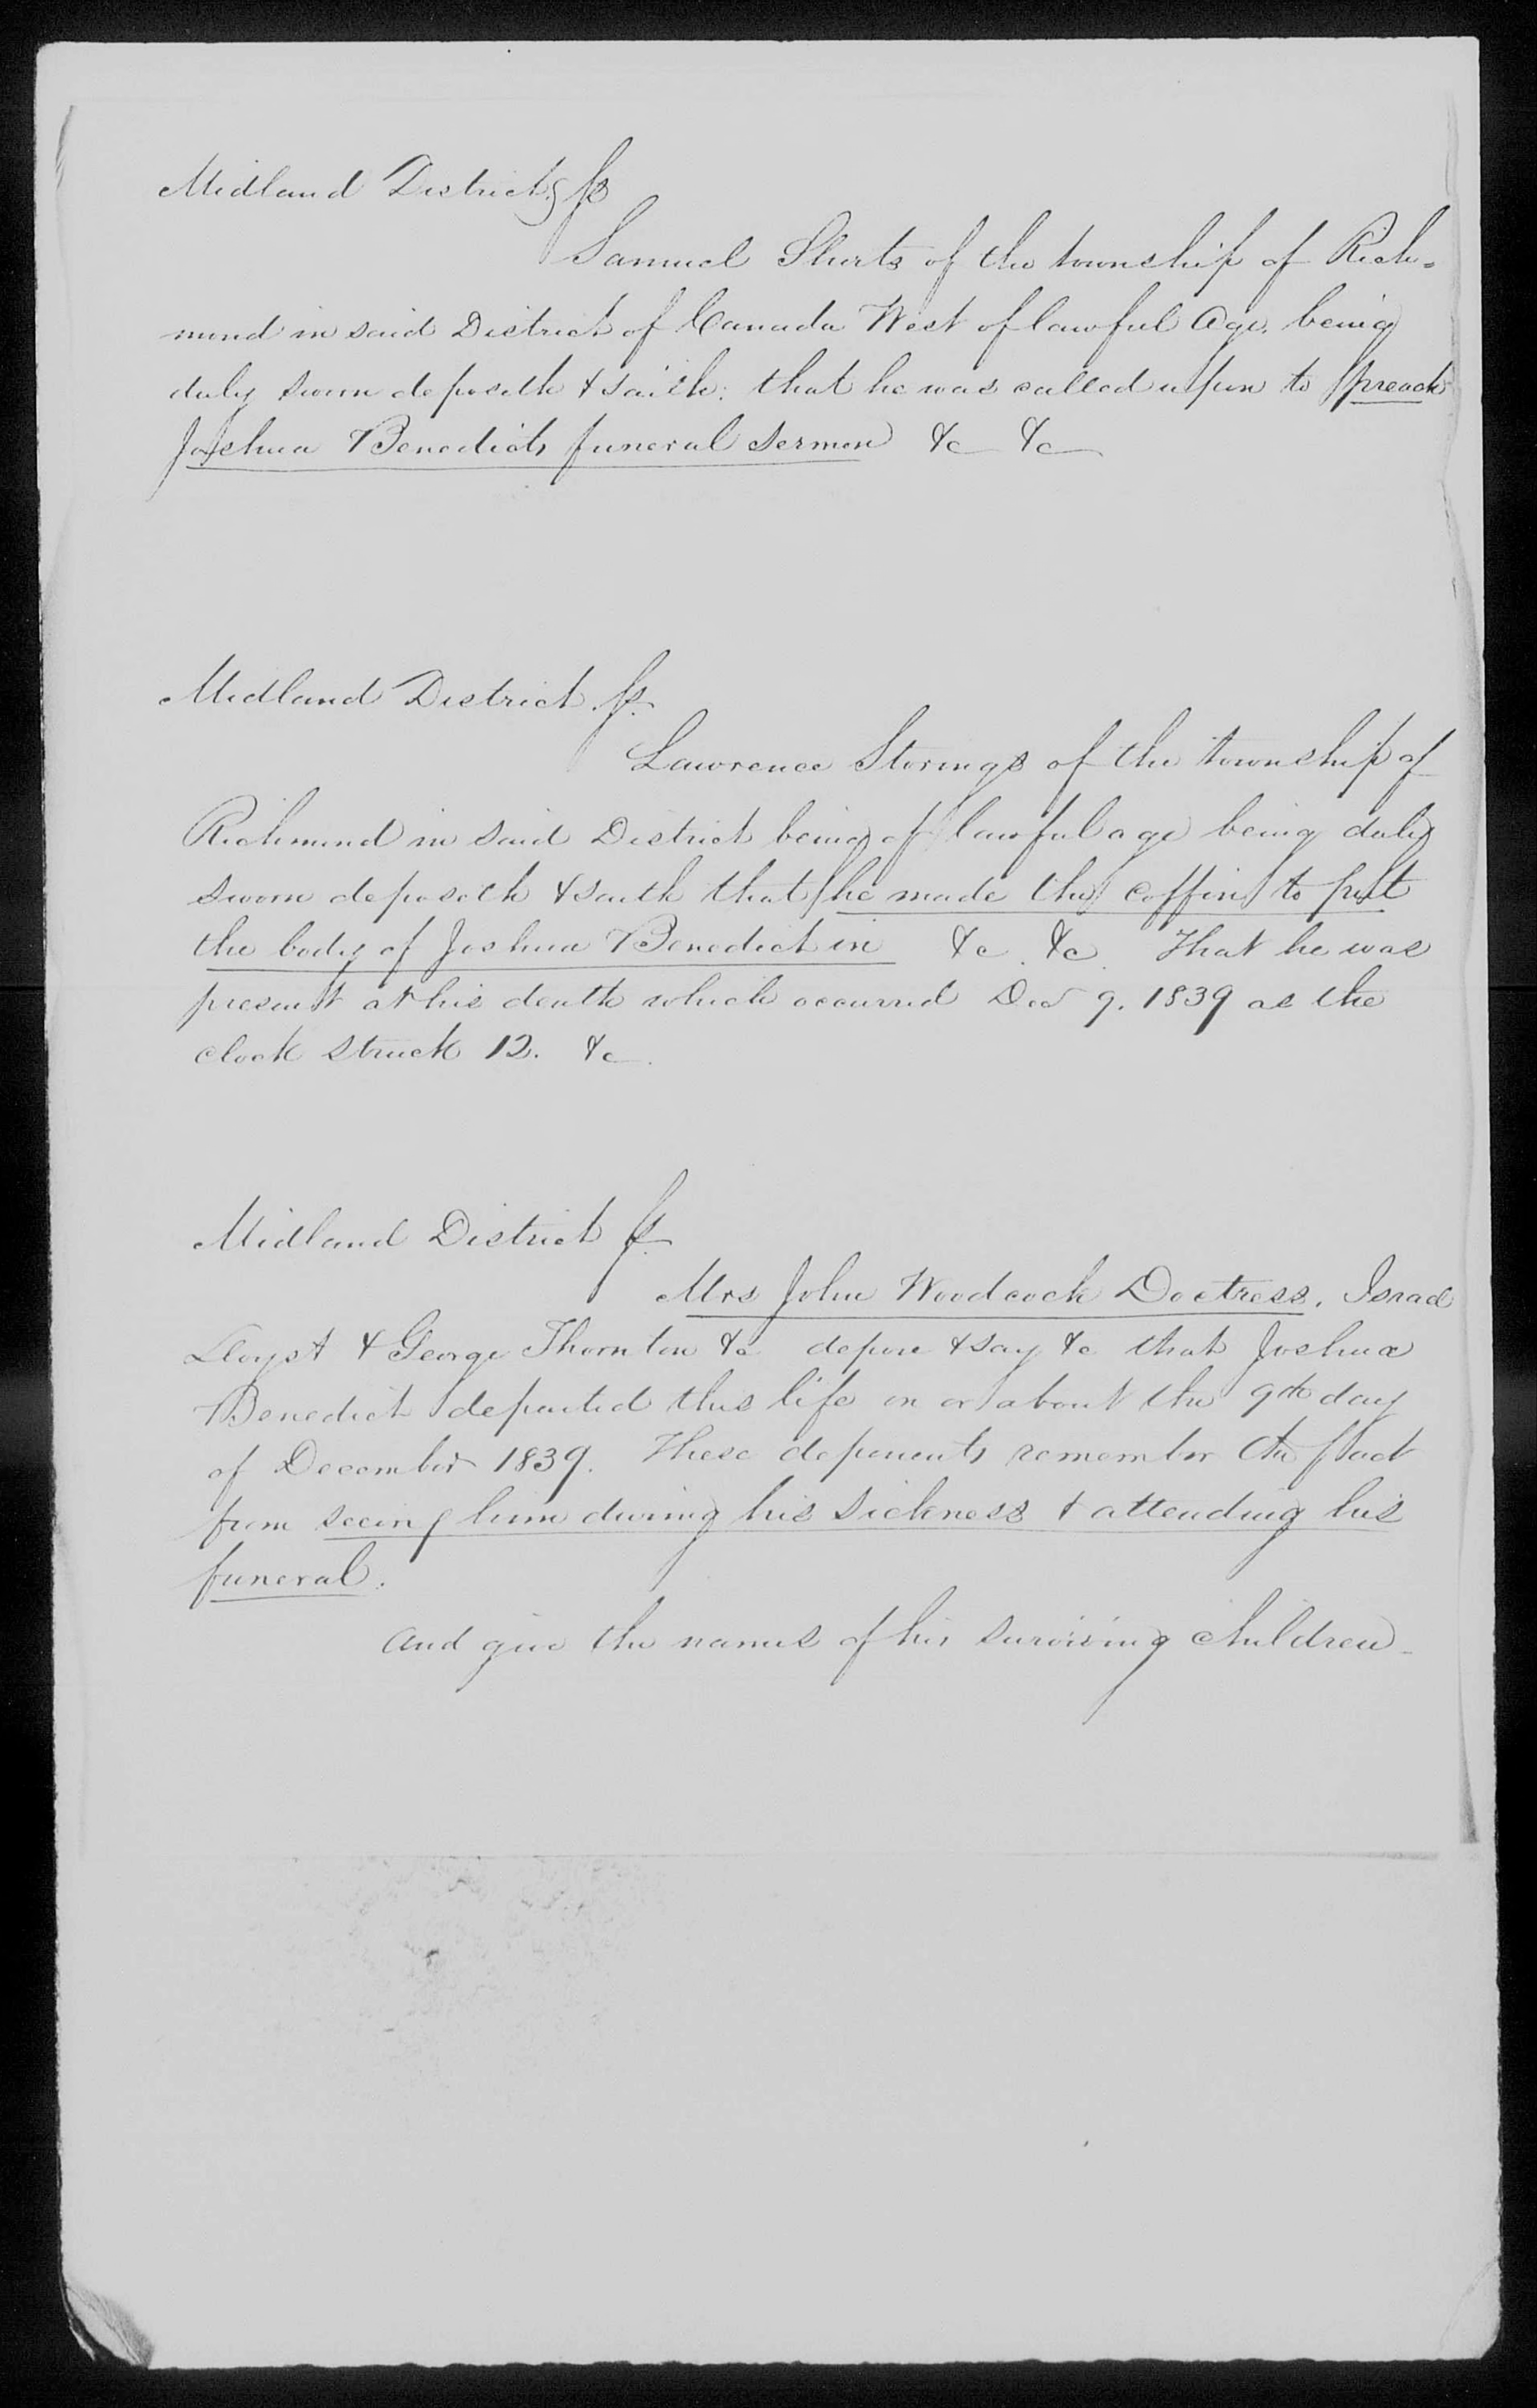Midland Districts Ss
Samuel Short of the township of Richmond in said District of Canada West of lawful Age being duly sworn deposeth & saith that he was called upon to preach Joshua Benedicts funeral sermon &c &c

Midland District Ss.
Lawrence Storings of the township of Richmond in said District being of lawful age being duly sworn deposeth & saith that he made the coffin to put the body of Joshua Benedict in &c. &c. That he was present at his death which occurred Decr 9. 1839 as the clock struck 12. &c.

Midland District Ss
Mrs John Woodcock Doctress, Israel Loyst & George Thornton &c depose & say &c that Joshua Benedict departed this life on or about the 9th day of December 1839. These deponents remember the fact from seeing him during his Sickness & attending his funeral.
And give the names of his surviving children.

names: Israel Loyst, Joshua Benedict, George Thornton, Joshua Benedict, John Woodcock, Joshua Benedict, Samuel Short, Lawrence Storing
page: 22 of 106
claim: survivor's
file: S 23,116., Joshua Benedict, Conn.